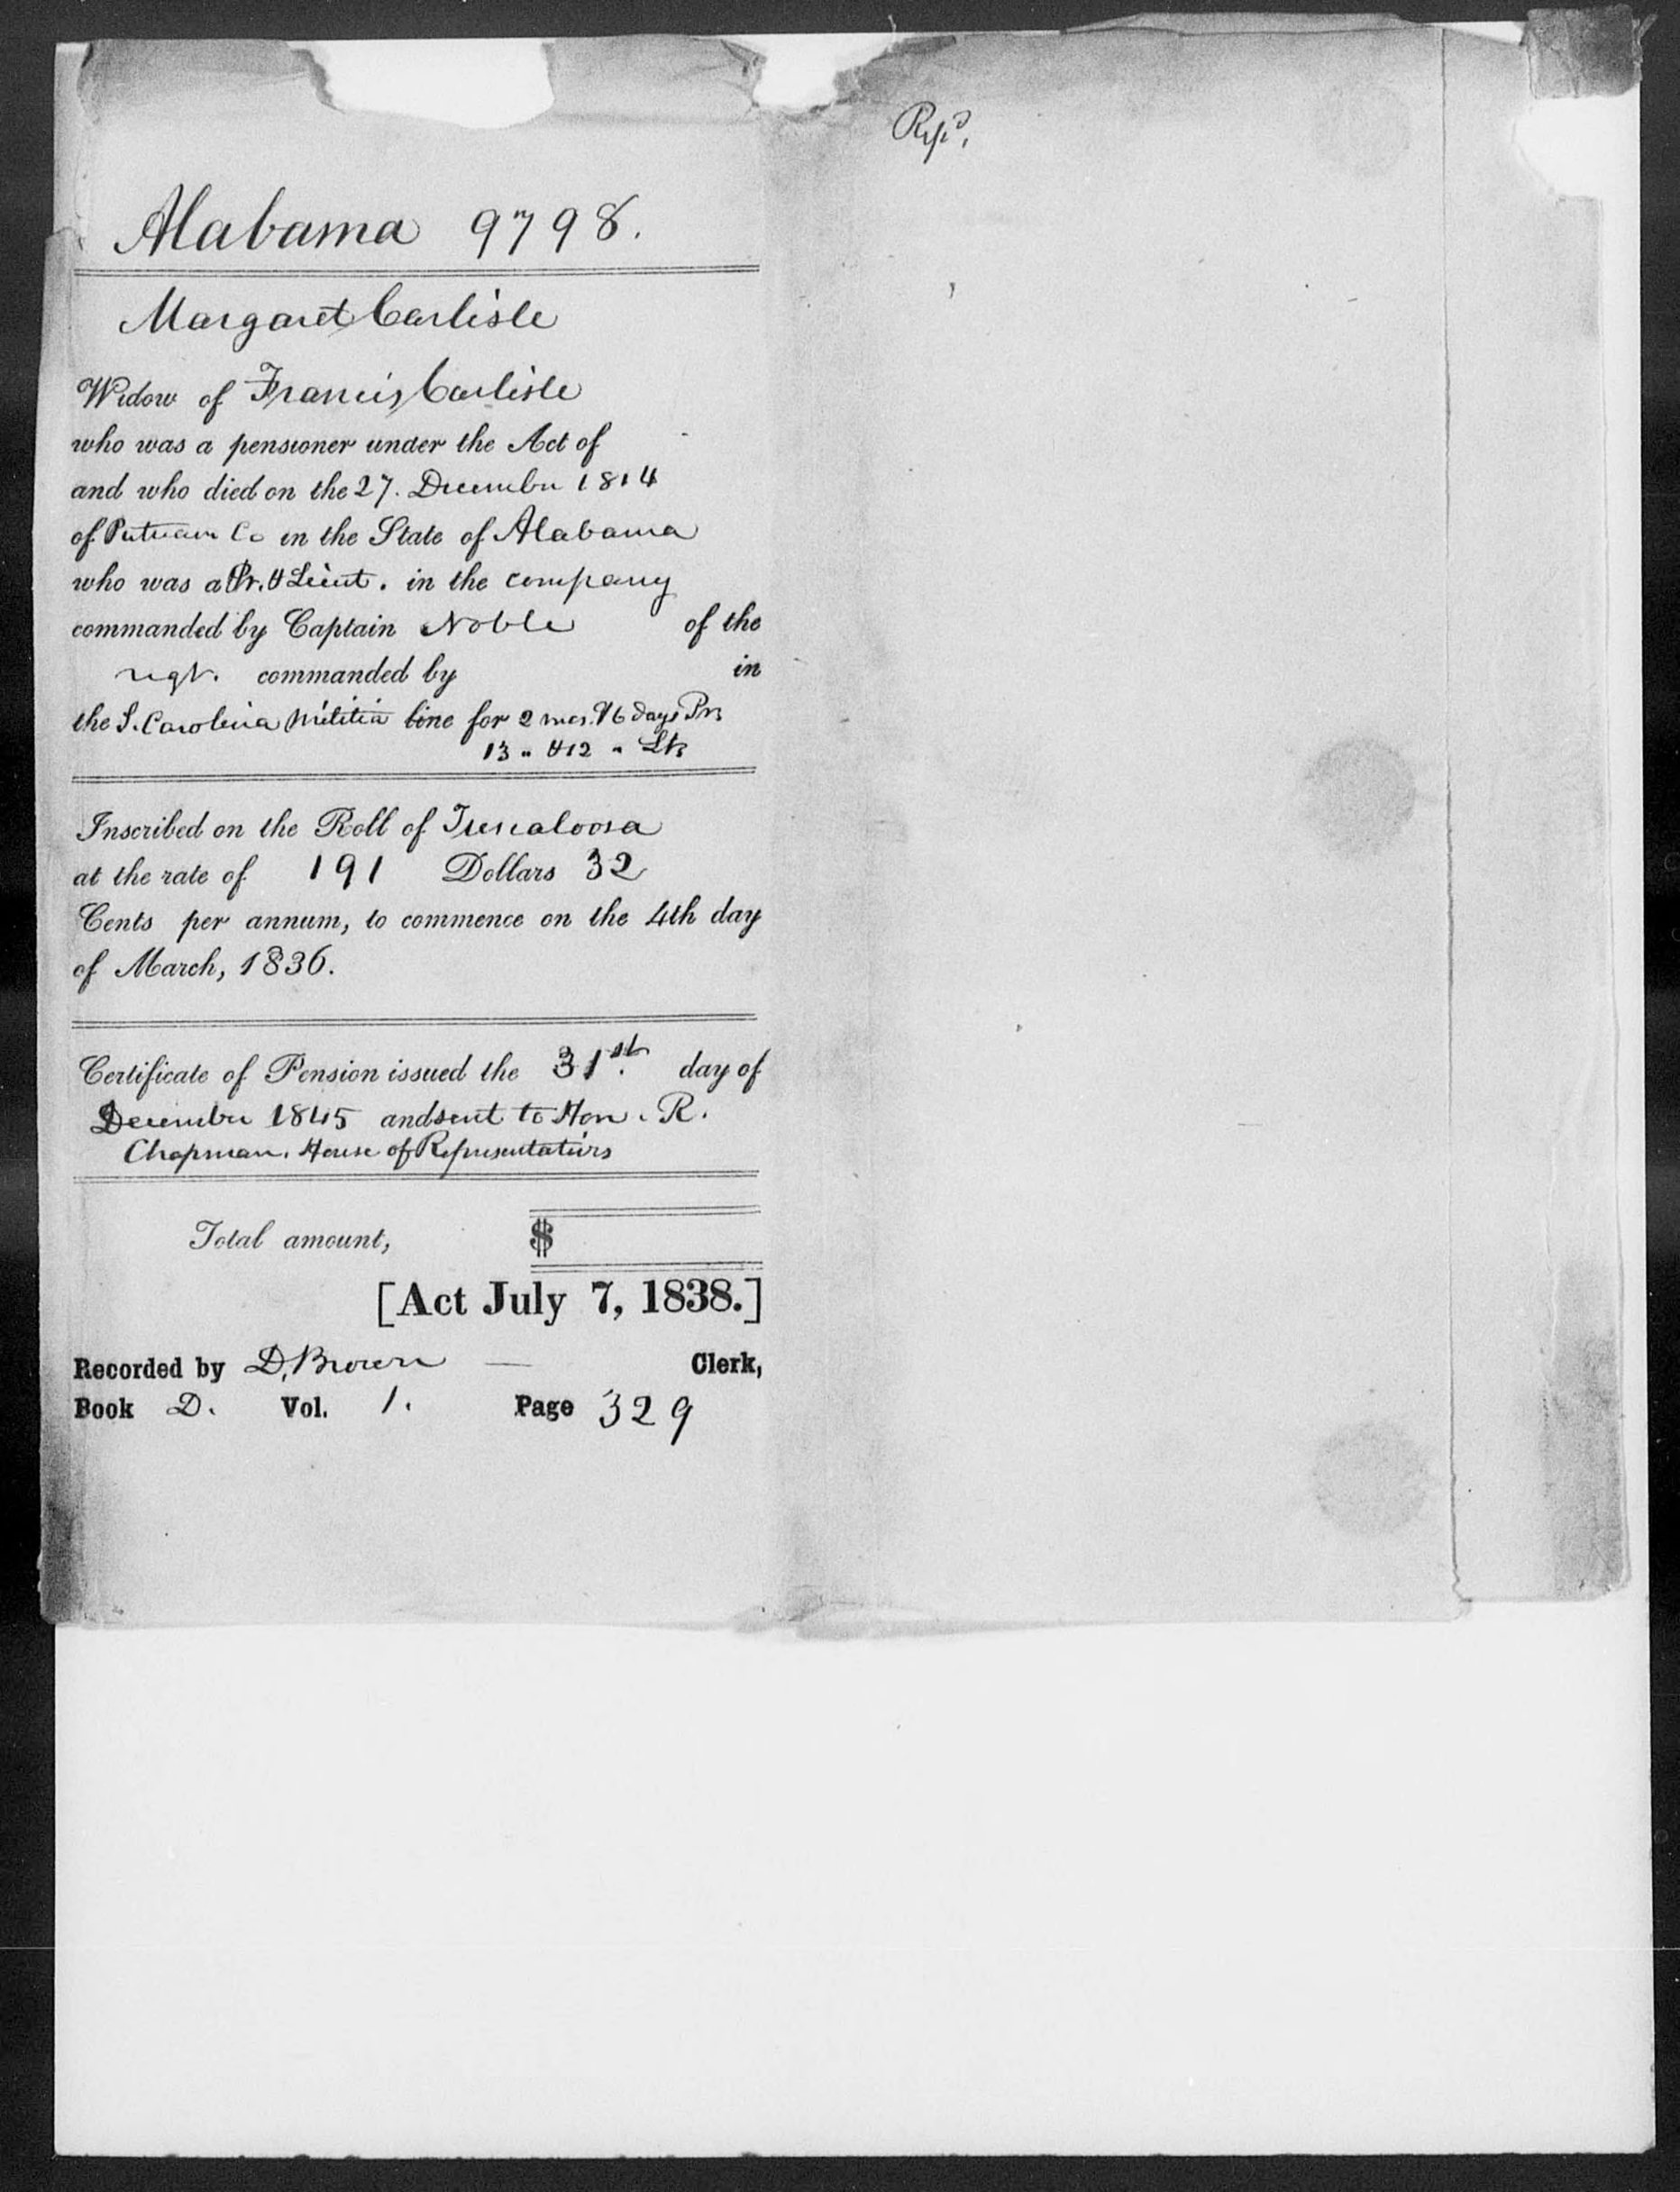Alabama 9798.
====================
Margaret Carlisle
Widow of Francis Carlisle
who was a pensioner under the Act of
and who died on the 27 December 1814
of Putnam Co in the State of Alabama
who was a Pr. & Lieut. in the company
commanded by Captain Noble of the
regt. commanded by.     in
the S. Carolina Militia line for 2 mos. & 6 days Pri
                                                      13    "     & 12   "     Lt
=================================
Inscribed on the Roll of Tuscaloosa
at the rate of 191 Dollars 32
Cents per annum, to commence on the 4th day
of March, 1836.
=================================
Certificate of Pension issued the 31st  day of
December 1845 and sent to Hon R.
Chapman, House of Representatives
=================================
Total amount,                             =========
                                                       $
                                                        =========

                                [Act July 7, 1838.]
Recorded by D. Brown.    Clerk,
Book D.    Vol.  1.     Page 329

[illegible]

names: D Brown, R Chapman, Francis Carlisle, Noble, Margaret Carlisle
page: 22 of 91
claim: widow's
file: W. 10576, Francis Carlisle, S.C.